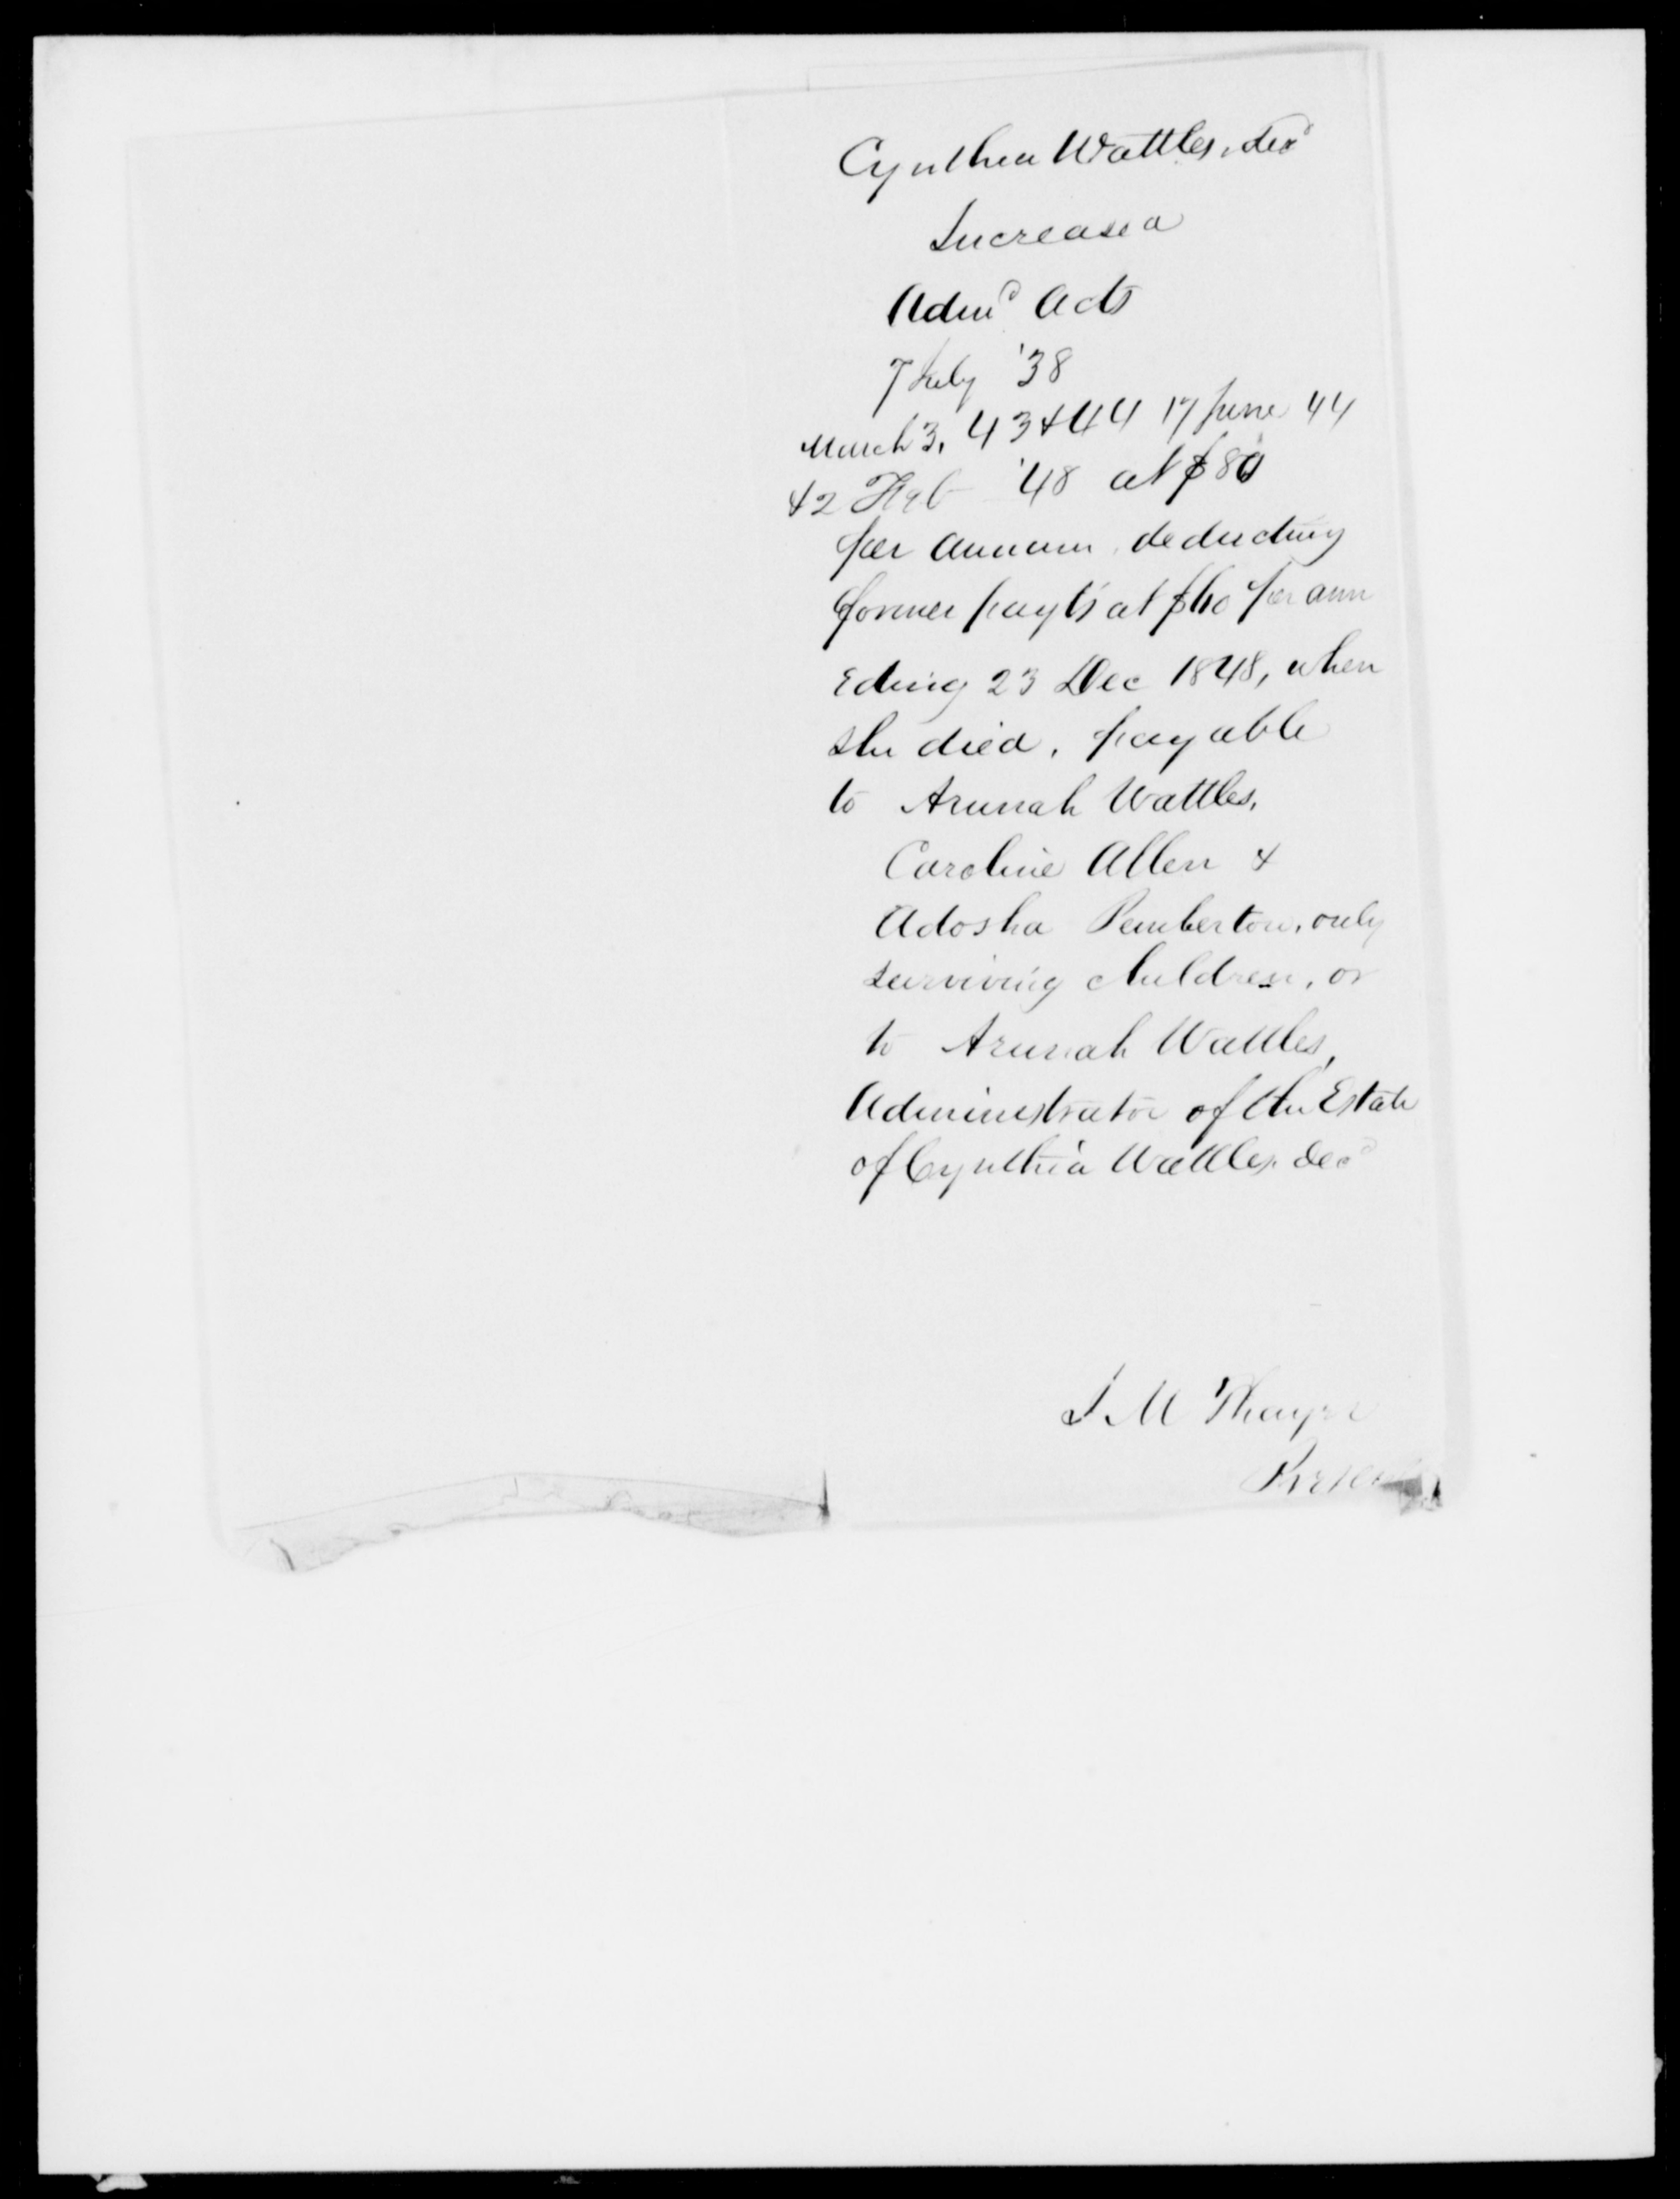Cynthia Wattles, decd
[Lu]creased

Admd Acts
7 July '38
March 3, 43 & 44 17 June 44
& 2 Feb '48 at $80
per annum, deducting 
former payt's at $60 per annum
Ending 23 Dec 1848, when 
she died, payable 
to Arunah Wattles,
Caroline Allen &
Adosha Pemberton, only
surviving children, or
to Arunah Wattles,
Administrator of the Estate
of Cynthia Wattles, decd

J M Thayer
Present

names: J M Thayer, Arunah Wattles, Caroline Allen, Adosha Pemberton, Cynthia Wattles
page: 28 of 70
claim: widow's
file: W. 3743, Dan Wattles, Conn.